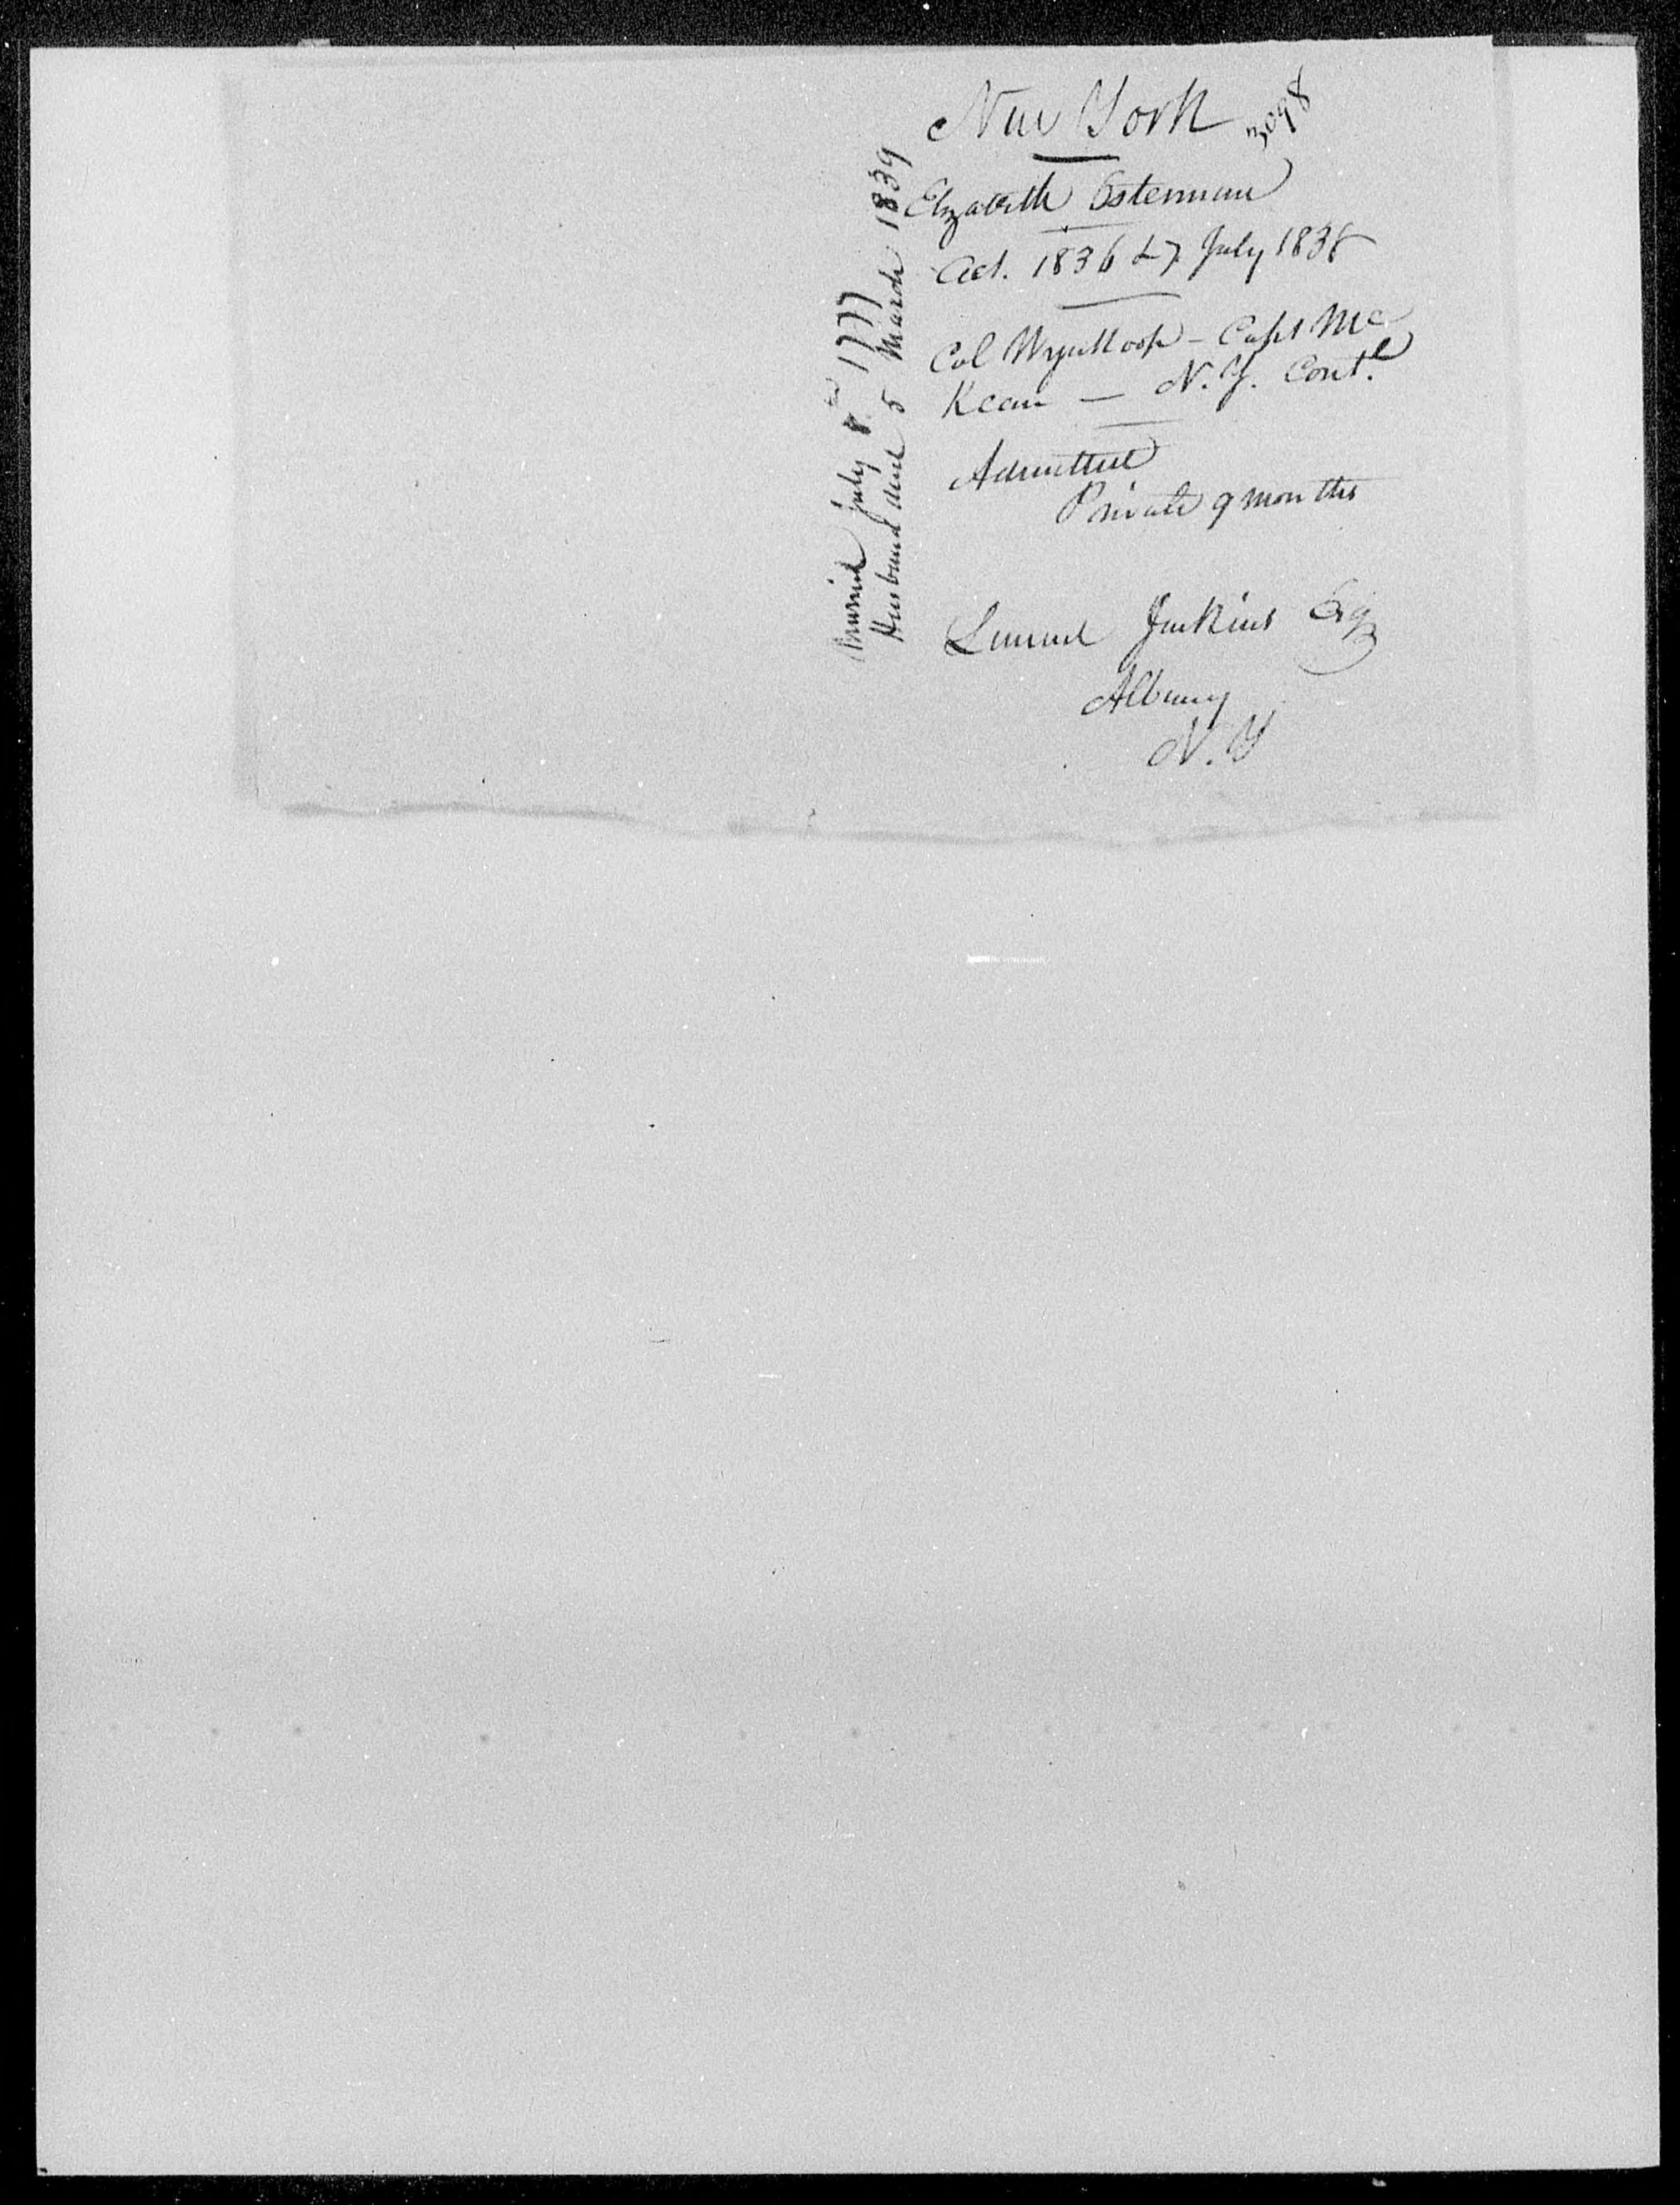Private July 8 1777
Husband died 5 March 1839

New York 3098
Elizabeth Osterman 
Act 1836 & 7 July 1838

Col. Wynkoop Capt. McKean
N.Y. cont. 

Admitted
Private 9 months

Lemuel Jenkins
Albany NY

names: [BLANK] Mc Kean; Elizabeth Osterman; [BLANK] Wynkoop; Lemuel Jenkins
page: 13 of 40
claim: widow's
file: W. 21876, for Christian Osterman, New York